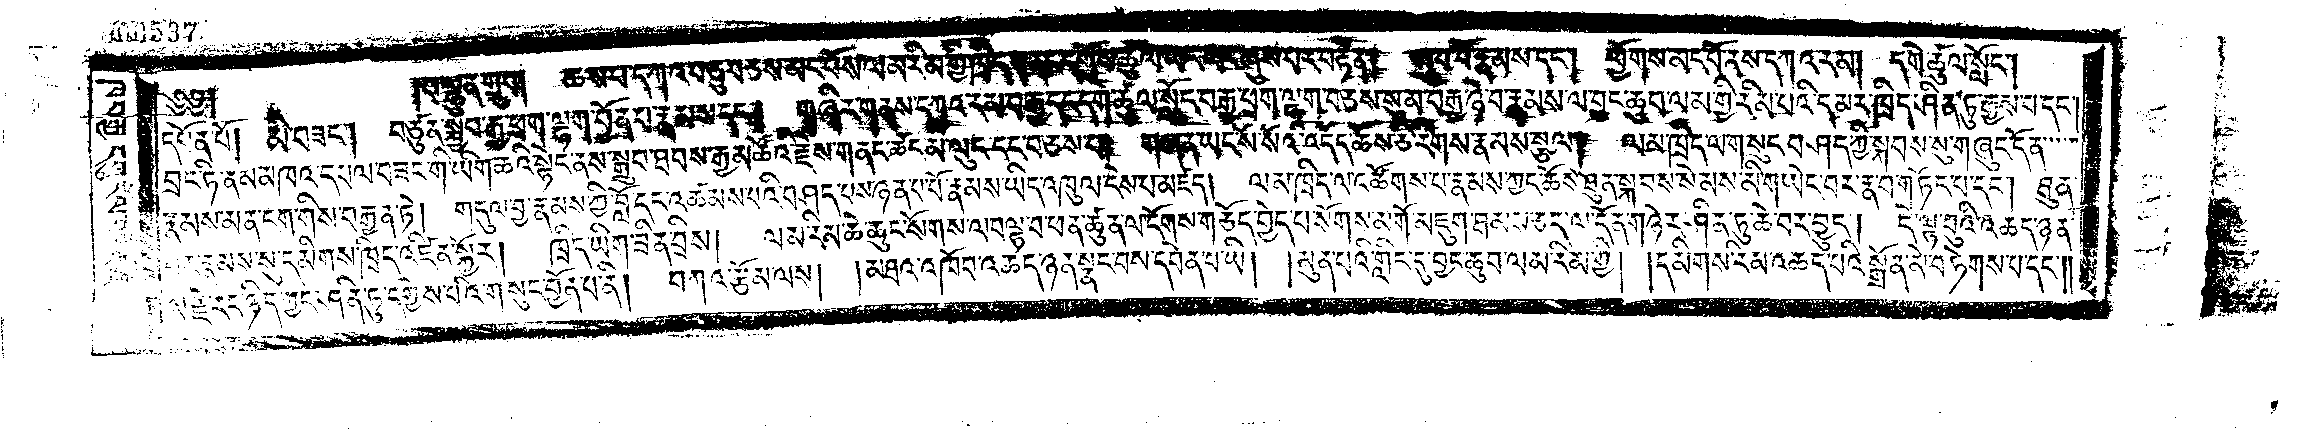༄༅། །པ་ལྷུན་གྲུབ། ཆས་པ་དཀའ་བཅུ་བཅས་མང་པོས་ལམ་རིམ་གྱི་ཁྲིད་གནང་དགོས་ཚུལ་ཡང་ཡང་ཞུས་པར་བརྟེན། ཞུ་བ་བོ་རྣམས་དང་། ཕྱོགས་མང་པོ་ནས་དཀའ་རམ། དགེ་ཚུལ་སློང་།
དཔོན་པོ། མི་བཟང་། བཙུན་སྐྱ་བརྒྱ་ཕྲག་ལྷག་བྱོན་པ་རྣམས་དང་། གཞིར་གནས་དཀའ་རམ་བརྒྱ་དང་དགེ་ཚུལ་སློང་བརྒྱ་ཕྲག་ལྷག་བཅས་སུམ་བརྒྱ་ཉེ་བ་རྣམས་ལ་བྱང་ཆུབ་ལམ་གྱི་རིམ་པའི་དམར་ཁྲིད་ཤིན་ཏུ་རྒྱས་པ་དང་།
བྲང་ཏི་ནམ་མཁའ་དཔལ་བཟང་གི་ཡིག་ཆའི་སྟེང་ནས་སྒྲུབ་ཐབས་རྒྱ་མཚོའི་རྗེས་གནང་ཚང་མ་ལུང་དང་བཅས་པ། གཞན་ཡང་སོ་སོའི་འདོད་ཆོས་ཅི་རིགས་རྣམས་སྩལ། ལམ་ཁྲིད་ལ་གསུང་བཤད་ཀྱི་སྐབས་སུ་གཞུང་དོན་
རྣམས་མན་ངག་གིས་བརྒྱན་ཏེ། གདུལ་བྱ་རྣམས་ཀྱི་བློ་དང་འཚམས་པའི་བཤད་པས་ཉན་པ་པོ་རྣམས་ཡིད་འཁུལ་ངེས་པ་མཛད། ལམ་ཁྲིད་ལ་འཚོགས་པ་རྣམས་ཀྱང་ཆོས་ཐུན་སྐབས་སེམས་མི་གཡེང་བར་རྣ་བ་གཏོད་པ་དང་། ཐུན་
བར་རྣམས་སུ་དམིགས་ཁྲིད་འཛིན་སྐྱོར། ཁྲིད་ཡིག་ཟིན་བྲིས། ལམ་རིམ་ཆེ་ཆུང་སོགས་ལ་བལྟ་བ་ཕན་ཚུན་ལ་དོགས་གཅོད་བྱེད་པ་སོགས་མགོ་མཇུག་ཐམས་ཅད་ལ་དོན་གཉེར་ཤིན་ཏུ་ཆེ་བར་བྱུང་། དེ་ལྟ་བུའི་འཆད་ཉན་
ལ་རྗེ་རང་ཉིད་ཀྱང་ཤིན་ཏུ་དགྱེས་པཱྀ་གསུང་བྱོན་པ་ནི། བཀའ་རྩོམ་ལས། །མཐའ་འཁོབ་འཆད་ཉན་སྣང་བས་དབེན་པ་ཡི། །མུན་པའི་གླིང་དུ་བྱང་ཆུབ་ལ་མ་རིམ་གྱི། །དམིགས་རིམ་འཆད་པའི་སྒྲོན་མེ་བཏེགས་པ་དང་། །